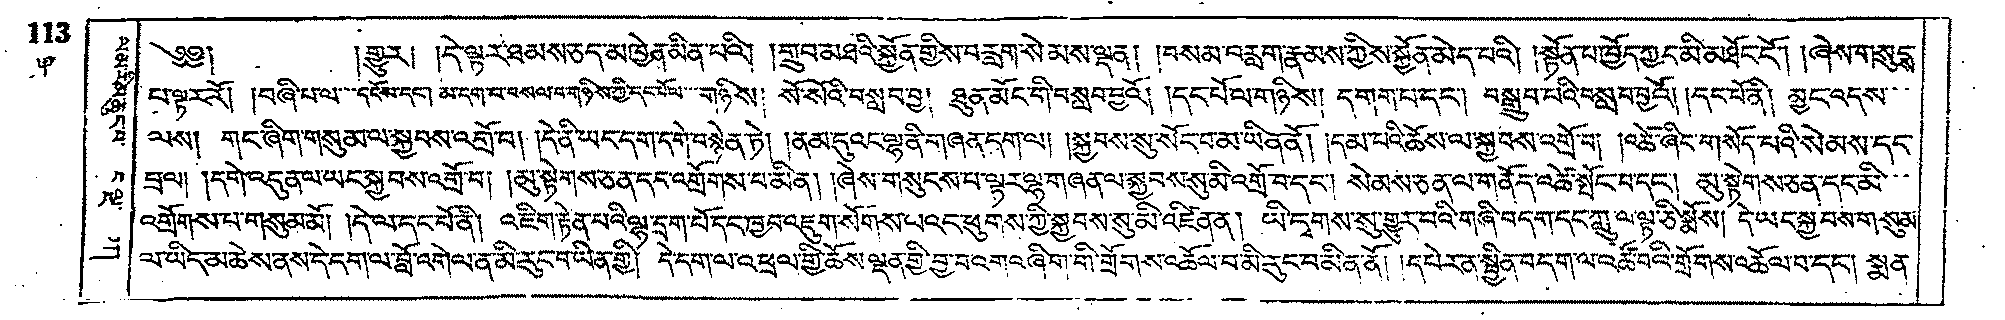༄༅། །གྱུར། །དེ་ལྟར་ཐམས་ཅད་མཁྱེན་མིན་པའི། །གྲུབ་མཐའི་སྐྱོན་གྱིས་བརླག་སེམས་ལྡན། །བསམ་བརླག་རྣམས་ཀྱིས་སྐྱོན་མེད་པའི། །སྟོན་པ་ཁྱོད་ཀྱང་མི་མཐོང་ངོ། །ཞེས་གསུངས་
པ་ལྟར་རོ། །བཞི་པ་ལདངོས་དང་། མ་དག་པ་བསལ་བ་གཉིས་ཀྱི་དང་པོ་ལགཉིས། སོ་སོའི་བསླབ་བྱ། ཐུན་མོང་གི་བསླབ་བྱའོ། །དང་པོ་ལ་གཉིས། དགག་པ་དང་། བསྒྲུབ་པའི་བསླབ་བྱའོ། །དང་པོ་ནི། མྱང་འདས་
ལས། གང་ཞིག་གསུམ་ལ་སྐྱབས་འགྲོ་བ། །དེ་ནི་ཡང་དག་དགེ་བསྙེན་ཏེ། །ནམ་དུའང་ལྷ་ནི་གཞན་དག་ལ། །སྐྱབས་སུ་སོང་བ་མ་ཡིན་ནོ། །དམ་པའི་ཆོས་ལ་སྐྱབས་འགྲོ་བ། །འཚེ་ཞིང་གསོད་པའི་སེམས་དང་
བྲལ། །དགེ་འདུན་ལ་ཡང་སྐྱབས་འགྲོ་བ། །མུ་སྟེགས་ཅན་དང་འགྲོགས་པ་མིན། །ཞེས་གསུངས་པ་ལྟར་ལྷ་གཞན་ལ་སྐྱབས་སུ་མི་འགྲོ་བ་དང་། སེམས་ཅན་ལ་གནོད་འཚེ་སྤོང་བ་དང་། མུ་སྟེགས་ཅན་དང་མི་
འགྲོགས་པ་གསུམ་མོ། །དེ་ལ་དང་པོ་ནི། འཇིག་རྟེན་པའི་ལྷ་དྲག་པོ་དང་ཁྱབ་འཇུག་སོགས་ལའང་ཕུགས་ཀྱི་སྐྱབས་སུ་མི་འཛིན་ན། ཡི་དྭགས་སུ་གྱུར་པའི་གཞི་བདག་དང་ཀླུ་ལ་ལྟ་ཅི་སྨོས། དེ་ཡང་སྐྱབས་གསུམ་
ལ་ཡིད་མ་ཆེས་ནས་དེ་དག་ལ་བློ་འགེལ་ན་མི་རུང་བ་ཡིན་གྱི། དེ་དག་ལ་འཕྲལ་གྱི་ཆོས་ལྡན་གྱི་བྱ་བ་འགའ་ཞིག་གི་གྲོགས་འཆོལ་བ་མི་རུང་བ་མིན་ནོ། །དཔེར་ན་སྦྱིན་བདག་ལ་འཚོ་བའི་གྲོགས་འཆོལ་བ་དང་། སྨན་